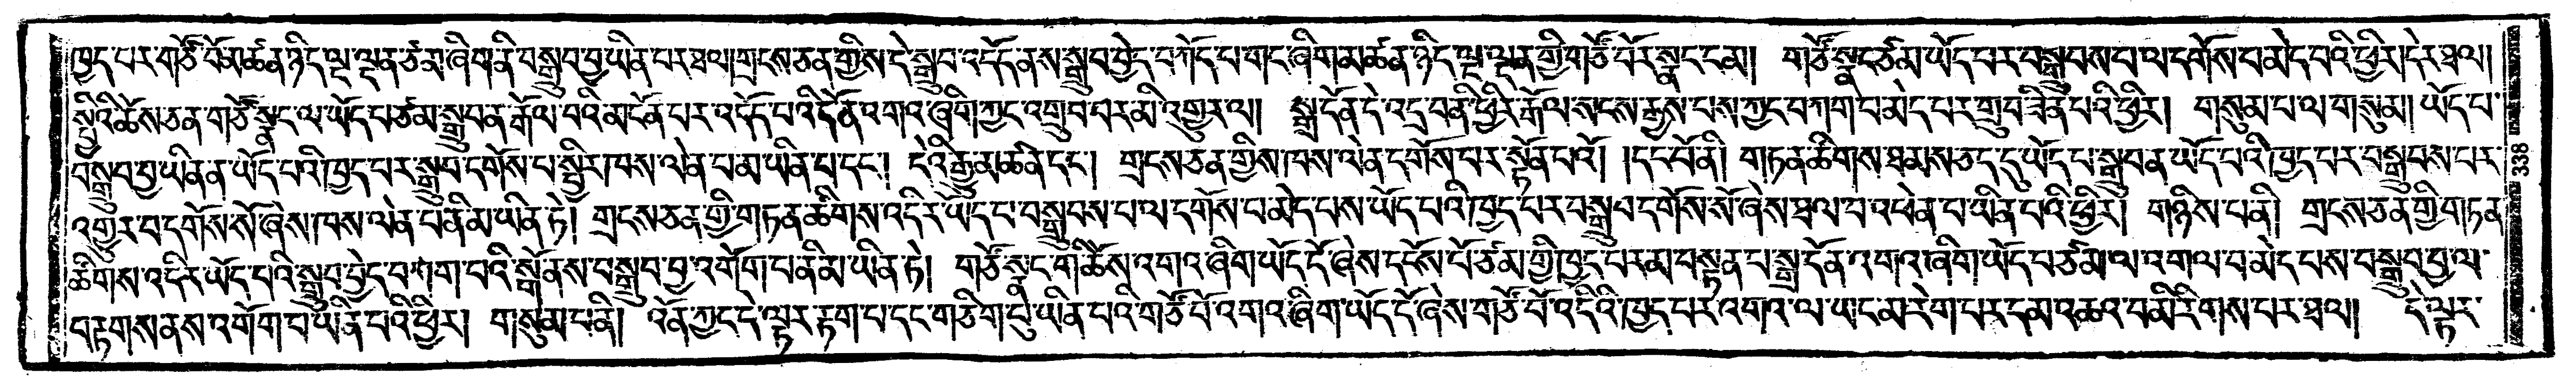ཁྱད་པར་གཙོ་བོ་མཚན་ཉིད་ལྔ་ལྡན་ཙམ་ཞིག་ནི་བསྒྲུབ་བྱ་ཡིན་པར་ཐལ། གྲངས་ཅན་གྱིས་དེ་སྒྲུབ་འདོད་ནས་སྒྲུབ་བྱེད་བཀོད་པ་གང་ཞིག་མཚན་ཉིད་ལྔ་ལྡན་གྱི་གཙོ་བོར་སྣང་ངམ། གཙོ་སྣང་ཙམ་ཡོད་པར་བསྒྲུབས་པ་ལ་དགོས་པ་མེད་པའི་ཕྱིར། དེར་ཐལ།
སྤྱིའི་ཆོས་ཅན་གཙོ་སྣང་ལ་ཡོད་པ་ཙམ་སྒྲུབ་ན་རྒོལ་བའི་མངོན་པར་འདོད་པའི་དོན་འགའ་ཞིག་ཀྱང་འགྲུབ་པར་མི་འགྱུར་ལ། སྒྲ་དོན་དེ་འདྲ་བ་ནི་ཕྱིར་རྒོལ་སངས་རྒྱས་པས་ཀྱང་བཀག་པ་མེད་པར་གྲུབ་ཟིན་པའི་ཕྱིར། གསུམ་པ་ལ་གསུམ། ཡོད་པ་
བསྒྲུབ་བྱ་ཡིན་ན་ཡོད་པའི་ཁྱད་པར་སྒྲུབ་དགོས་པ་སྤྱིར་ཁས་ལེན་པ་མ་ཡིན་པ་དང་། དེའི་རྒྱུ་མཚན་དང་། གྲངས་ཅན་གྱིས་ཁས་ལེན་དགོས་པར་སྟོན་པའོ། །དང་པོ་ནི། གཏན་ཚིགས་ཐམས་ཅད་དུ་ཡོད་པ་སྒྲུབ་ན་ཡོད་པའི་ཁྱད་པར་བསྒྲུབས་པར་
འགྱུར་བ་དགོས་སོ་ཞེས་ཁས་ལེན་པ་ནི་མ་ཡིན་ཏེ། གྲངས་ཅན་གྱི་གཏན་ཚིགས་འདིར་ཡོད་པ་བསྒྲུབས་པ་ལ་དགོས་པ་མེད་པས་ཡོད་པའི་ཁྱད་པར་བསྒྲུབ་དགོས་སོ་ཞེས་ཐལ་བ་འཕེན་པ་ཡིན་པའི་ཕྱིར། གཉིས་པ་ནི། གྲངས་ཅན་གྱི་གཏན་
ཚིགས་འདིར་ཡོད་པའི་སྒྲུབ་བྱེད་བཀག་པའི་སྒོ་ནས་བསྒྲུབ་བྱ་འགོག་པ་ནི་མ་ཡིན་ཏེ། གཙོ་སྣང་གི་ཆོས་འགའ་ཞིག་ཡོད་དོ་ཞེས་དངོས་པོ་ཙམ་གྱི་ཁྱད་པར་མ་བསྟན་པ་སྒྲ་དོན་འགའ་ཞིག་ཡོད་པ་ཙམ་ལ་འགལ་བ་མེད་པས་བསྒྲུབ་བྱ་ལ་
བརྟགས་ནས་འགོག་པ་ཡིན་པའི་ཕྱིར། གསུམ་པ་ནི། འོན་ཀྱང་དེ་ལྟར་རྟག་པ་དང་གཅིག་པུ་ཡིན་པའི་གཙོ་བོ་འགའ་ཞིག་ཡོད་དོ་ཞེས་གཙོ་བོ་འདིའི་ཁྱད་པར་འགའ་ལ་ཡང་མ་རེག་པར་དམ་འཆའ་བ་མི་རིགས་པར་ཐལ། དེ་ལྟར་